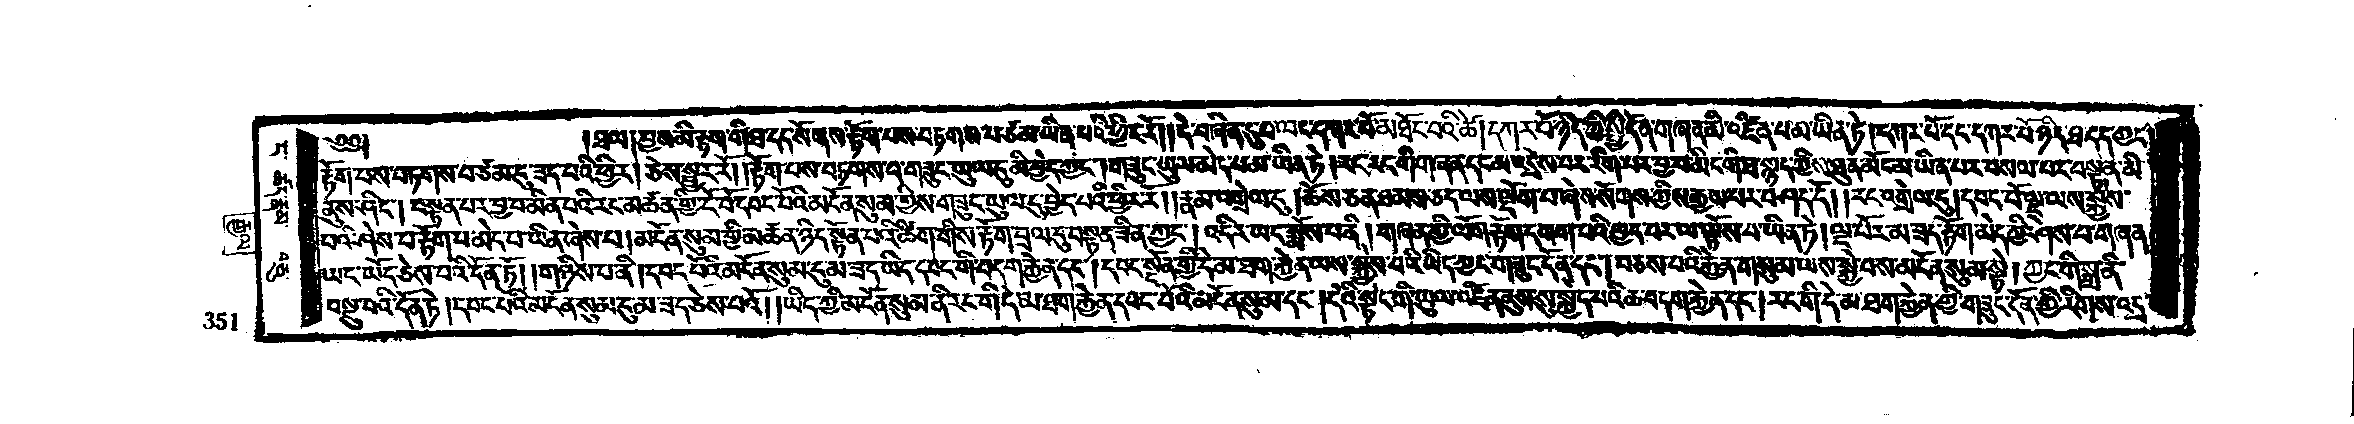༄༅། །ཐལ། བྱས་མི་རྟག་གི་ཐ་དད་སོགས་རྟོག་པས་བཏགས་པ་ཙམ་ཡིན་པའི་ཕྱིར་རོ། །དེ་བཞིན་དུ་བ་ལང་དཀར་པོ་མཐོང་བའི་ཚེ། དཀར་པོ་ཉིད་ཀྱི་སྤྱི་དོན་གཞན་གྱི་འཛིན་པ་མ་ཡིན་ཏེ། དཀར་པོ་དང་དཀར་པོ་ཉིད་ཐ་དད་ཀྱང་
རྟོག་པས་བཏགས་པ་ཙམ་དུ་ཟད་པའི་ཕྱིར། ཅེས་སྦྱར་རོ། །རྟོག་པས་བཏགས་བ་གཟང་ཡུལ་དུ་མི་བྱེད་ཀྱང་། གཟུང་ཡུལ་མེད་པ་མ་ཡིན་ཏེ། རང་རང་གི་གཞན་དང་མ་འདྲེས་པར་རིག་པར་བྱ་བ་མིང་གི་ཐ་སྙད་ཀྱིས་ཐུན་མོང་མ་ཡིན་པར་བསལ་བར་བསྟན་མི་
ནུས་ཤིང་། བསྟན་པར་བྱ་བ་མིན་པའི་རང་མཚན་གྱི་ངོ་བོ་དབང་པོའི་མངོན་སུམ་གྱིས་གཟུང་ཡུལ་དུ་བྱེད་པའི་ཕྱིར་རོ། །རྣམ་འགྲེལ་དུ། ཆོས་ཅན་ཐམས་ཅད་ལས་ལྡོག་པ་ཞེས་སོགས་ཀྱིས་རྒྱས་པར་བཤད་དོ། །རང་འགྲེལ་དུ། དབང་པོ་ལྔ་ལས་སྐྱེས་
པའི་ཤེས་པ་རྟོག་པ་མེད་པ་ཡིན་ཞེས་པ། མངོན་སུམ་གྱི་མཚན་ཉིད་སྟོན་པའི་ཚིག་གིས་རྟོག་བྲལ་དུ་བསྟན་ཟིན་ཀྱང་། འདིར་ཡང་སྨྲོས་པ་ནི། གཞན་གྱི་ལོག་རྟོག་དགག་པའི་ཁྱད་པར་ལ་ལྟོས་པ་ཡིན་ཏེ། ལྔ་པོར་མ་ཟད་རྟོག་མེད་ཀྱི་ཤད་པ་གཞན་
ཡང་ཡོད་ཅེས་པའི་དོན་ཏོ། །གཉིས་པ་ནི། དབང་པོའི་མངོན་སུམ་དུ་མ་ཟད་ཡིད་དབང་གི་བདག་རྐྱེན་དང་། དབང་སྔོན་གྱི་དེ་མ་ཐག་རྐྱེན་ལས་སྐྱེས་པའི་ཡིད་ཀྱང་གཟུང་དོན་དང་། བཅས་པའི་རྐྱེ་བས་མངོན་སུམ་སྟེ། ཀྱང་གི་སྒྲ་ནི་
བསྡུ་བའི་དོན་ཏེ། དབང་པོའི་མངོན་སུམ་དུ་མ་ཟད་ཅེས་པའོ། །ཡིད་ཀྱི་མངོན་སུམ་ནི་རང་གི་དེ་མ་ཐག་རྐྱེན་དབང་པོའི་མངོན་སུམ་དང་། དེའི་སྟེང་གི་ཡུལ་འཛིན་ནུས་སུ་སྐྱེད་པའི་ཆ་བདག་རྐྱེན་དང་། རང་གི་དེ་མ་ཐག་རྐྱེན་གྱི་གཟུང་དོན་གྱི་རིགས་འདྲ་